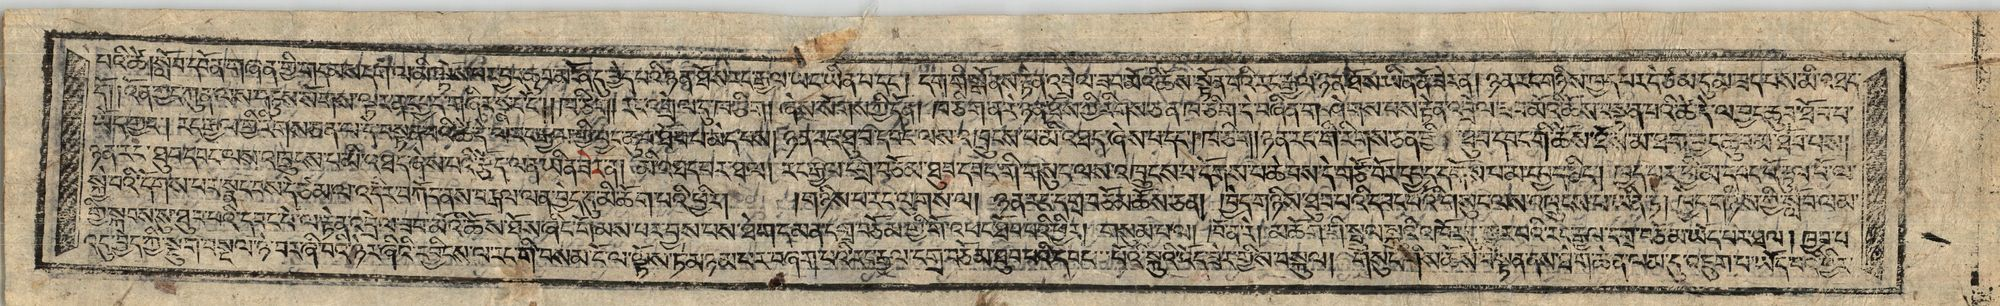པའི་ཚེ། སློབ་དཔོན་གཞན་གྱི་གདམས་དག་ལ་མི་ལྟོས་པར་བྱང་ཆུབ་མངོན་དུ་བྱིད་པའི་ཉན་ཐོས་རང་རྒྱལ་ཡང་ཡིན་པ་དང་། ངག་གི་སྒོ་ནས་རྟེན་འབྲེལ་ཟབ་མོའི་ཆོས་སྟོན་པའི་རང་རྒྱལ་ཉན་ཐོས་ཡིན་ནོ་ཟེར་ན། ཉན་རང་གཉིས་ཁྱད་པར་དེ་ཙམ་དུ་མ་ཟད་པས་མི་འཐད་
དོ། །འོན་ཀྱང་ཀུན་ལས་བཏུས་སོགས་ལྟར་ན་དཔྱད་གཞིར་སྣང་ངོ། །ཁ་ཅིག །རང་འགྲེལ་དུ་ཁ་ཅིག །ཞེས་སོགས་ཀྱི་དོན། ཁ་ཅིག་ན་རེ་ཉན་ཐོས་ཀྱི་རིགས་ཅན་ཁ་ཅིག་དེ་བཞིན་གཤེགས་པས་རྟེན་འབྲེལ་ཟབ་མོའི་ཆོས་བསྟན་པའི་ཚེ་དེ་ལ་བྱང་ཆུབ་ཐོབ་པ་
ཡོད་ཀྱང་། རང་རྒྱལ་གྱི་རིགས་ཅན་ལ་དེ་བསྟན་པའི་ཚེ་དེ་ལ་རང་རྒྱལ་གྱི་བྱང་ཆུབ་ཐོབ་པ་མེད་པས། ཉན་རང་ཐུབ་དབང་ལས་འཁྲུངས་པ་མི་འཐད་ཞེས་པ་དང་། ཁ་ཅིག །ཉན་རང་གི་རིགས་ཅན་གྱིས་ཐུབ་དབང་གི་ཆོས་ཐོས་མ་ཐག་བྱང་ཆུབ་མ་ཐོབ་པས།
ཉན་རང་ཐུབ་དབང་ལས་འཁྲུངས་པ་མི་འཐད་ཞེས་པའི་རྩོད་ལན་ཡིན་ཟེར་ན། མི་འཐད་པར་ཐལ། རང་རྒྱལ་དགྲ་བཅོམ་ཐུབ་དབང་གི་གསུང་ལས་འཁྲུངས་པ་དོགས་པ་ཆེ་བས་དེ་གཙོ་བོར་དཔྱད་དགོས་པ་མ་དཔྱད་ཅིང་། ཁྱད་པར་ཕྱི་མ་དབང་པོ་རྟུལ་པོ་ལ་
སྐྱེ་བའི་དོགས་པར་སྣང་བས་དེ་ཙམ་ལ་འདིར་བཀོད་ནས་བརྒལ་ལན་བྱེད་དུ་མི་ཆོག་པའི་ཕྱིར། །གཉིས་པ་རང་ལུགས་ལ། ཉན་རང་དགྲ་བཅོམ་ཆོས་ཅན། ཁྱེད་གཉིས་ཐུབ་པའི་དབང་པོའི་གསུང་ལས་འཁྲུངས་པ་ཡིན་ཏེ། ཁྱེད་གཉིས་ཀྱི་སློབ་ལམ་
གྱི་སྐབས་སུ་ཐུབ་པའི་དབང་པོ་ལ་རྟེན་འབྲེལ་ཟབ་མོའི་ཆོས་ཐོས་ཞིང་གོམས་པར་བྱས་པས་ཐེག་དམན་དགྲ་བཅོམ་གྱི་གོ་འཕང་ཐོབ་པའི་ཕྱིར། ༈ གསུམ་པ་ལ། ཁོ་ན་རེ། མཆོག་གི་སྤྲུལ་སྐུའི་འཁོར་དུ་གྱུར་པའི་རང་རྒྱལ་དགྲ་བཅོམ་ཡོད་པར་ཐལ། ཁྱབ་པ་
འདུ་བྱེད་ཀྱི་སྡུག་བསྔལ་ཉེ་བར་ཞི་བའི་ཉེར་ཞིའི་དབྱིངས་ལ་རང་གི་བསམ་ངོ་ལ་ལྟོས་ཏེ་མཉམ་པར་བཞག་པའི་རང་རྒྱལ་དགྲ་བཅོམ་ཐུབ་པའི་དབང་པོའི་སྐུའི་འོད་ཟེར་གྱིས་བསྐུལ། གསུང་གིས་ཆོས་བསྟན་ནས་ཐེག་ཆེན་ལམ་དུ་འཇུག་པ་ཡོད་པའི་ཕྱིར་